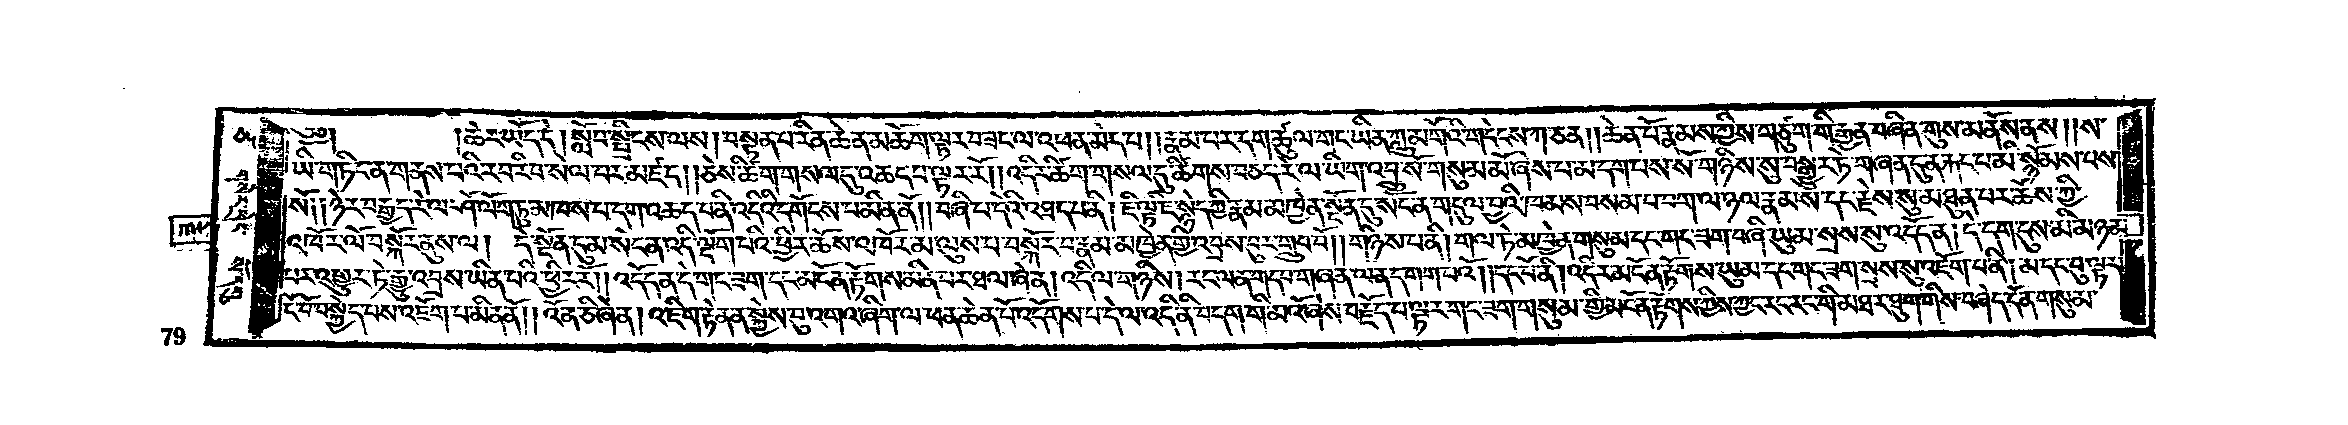༄༅། །ཆེར་ཡོད་དེ། སློབ་སྤྲིངས་ལས། བསྟན་པ་རིན་ཆེན་མཆོག་ལྟར་བཟང་ལ་འཕན་མེད་པ། །རྣམ་པར་དག་ཚུལ་གང་ཡིན་ཀླུ་མགོའི་གདེངས་ཀ་ཅན། །ཆེན་པོ་རྣམས་ཀྱིས་གཙུག་གི་རྒྱན་བཞི་གུས་མནོས་ནས། །ས་
ཡི་གཏིང་ན་གནས་པའི་རབ་རིབ་སེལ་བར་མཛད། །ཅེས་ཚིག་གསལ་དུ་འཆད་པ་ལྟར་རོ། །འདིར་ཚིག་གསལ་དུ་ཚིགས་བཅད་རེ་ལ་ཡིག་འབྲུ་སོ་གསུམ་མོ་ཞེས་པ་མ་དག་པས་སོ་གཉིས་སུ་བསྒྱུར་ཏེ་གཞན་དུ་ན་རྐང་པ་མི་སྙོམས་པས་
སོ། །ཉེར་བརྒྱད་རེ་ལ་ཤོ་ལོག་ཏུ་མཁས་པ་དག་འཆད་པ་ནི་འདིའི་དགོངས་པ་མིན་ནོ། །བཞི་པ་དེའི་འཐད་པ་ནི། ཇི་ལྟ་ཇི་སྙེད་ཀྱི་རྣམ་མཁྱེན་སྔོན་དུ་སོང་ན་གདུལ་བྱའི་ཁམས་བསམ་པ་བག་ལ་ཉལ་རྣམས་དང་རྗེས་སུ་མཐུན་པར་ཆོས་ཀྱི་
འཁོར་ལོ་བསྐོར་ནུས་ལ། དེ་སྔོན་དུ་མ་སོང་ན་འདི་ལྡོག་པའི་ཕྱིར་ཆོས་འཁོར་མ་ལུས་པ་བསྐོར་བ་རྣམ་མཁྱེན་གྱི་འབྲས་བུར་གྲུབ་བོ། །གཉིས་པ་ནི། གལ་ཏེ་མཁྱེན་གསུམ་དང་གང་ཟག་བཞི་ཡུམ་སྲས་སུ་འདོད་ན། དེ་དག་དུས་མི་མཉམ་
པར་འགྱུར་ཏེ་རྒྱུ་འབྲས་ཡིན་པའི་ཕྱིར་རོ། །འདོད་ན་དེ་གང་ཟག་དང་མངོན་རྟོགས་མིན་པར་ཐལ་ཞེ་ན། འདི་ལ་གཉིས། རང་ལན་གདབ་གཞན་ལན་དགག་པའོ། །དང་པོ་ནི། འདིར་མངོན་རྟོགས་ཡུམ་དང་གང་ཟག་སྲས་སུ་འཇོག་པ་ནི། མ་དང་བུ་ལྟར་
ངོ་བོ་བསྐྱེད་པས་འཇོག་པ་མིན་ནོ། །འོ་ན་ཅི་ཞེ་ན། འཇིག་རྟེན་ན་སྐྱེས་བུ་འགའ་ཞིག་ལ་ཕན་ཆེན་པོ་འདོགས་པ་དེ་ལ་འདི་ནི་བདག་གི་མའོ་ཞེས་བརྗོད་པ་ལྟར་གང་ཟག་གསུམ་གྱི་མངོན་རྟོགས་ཀྱིས་ཀྱང་རང་རང་གི་མཐར་ཐུག་གིས་བཞེད་དོན་གསུམ་